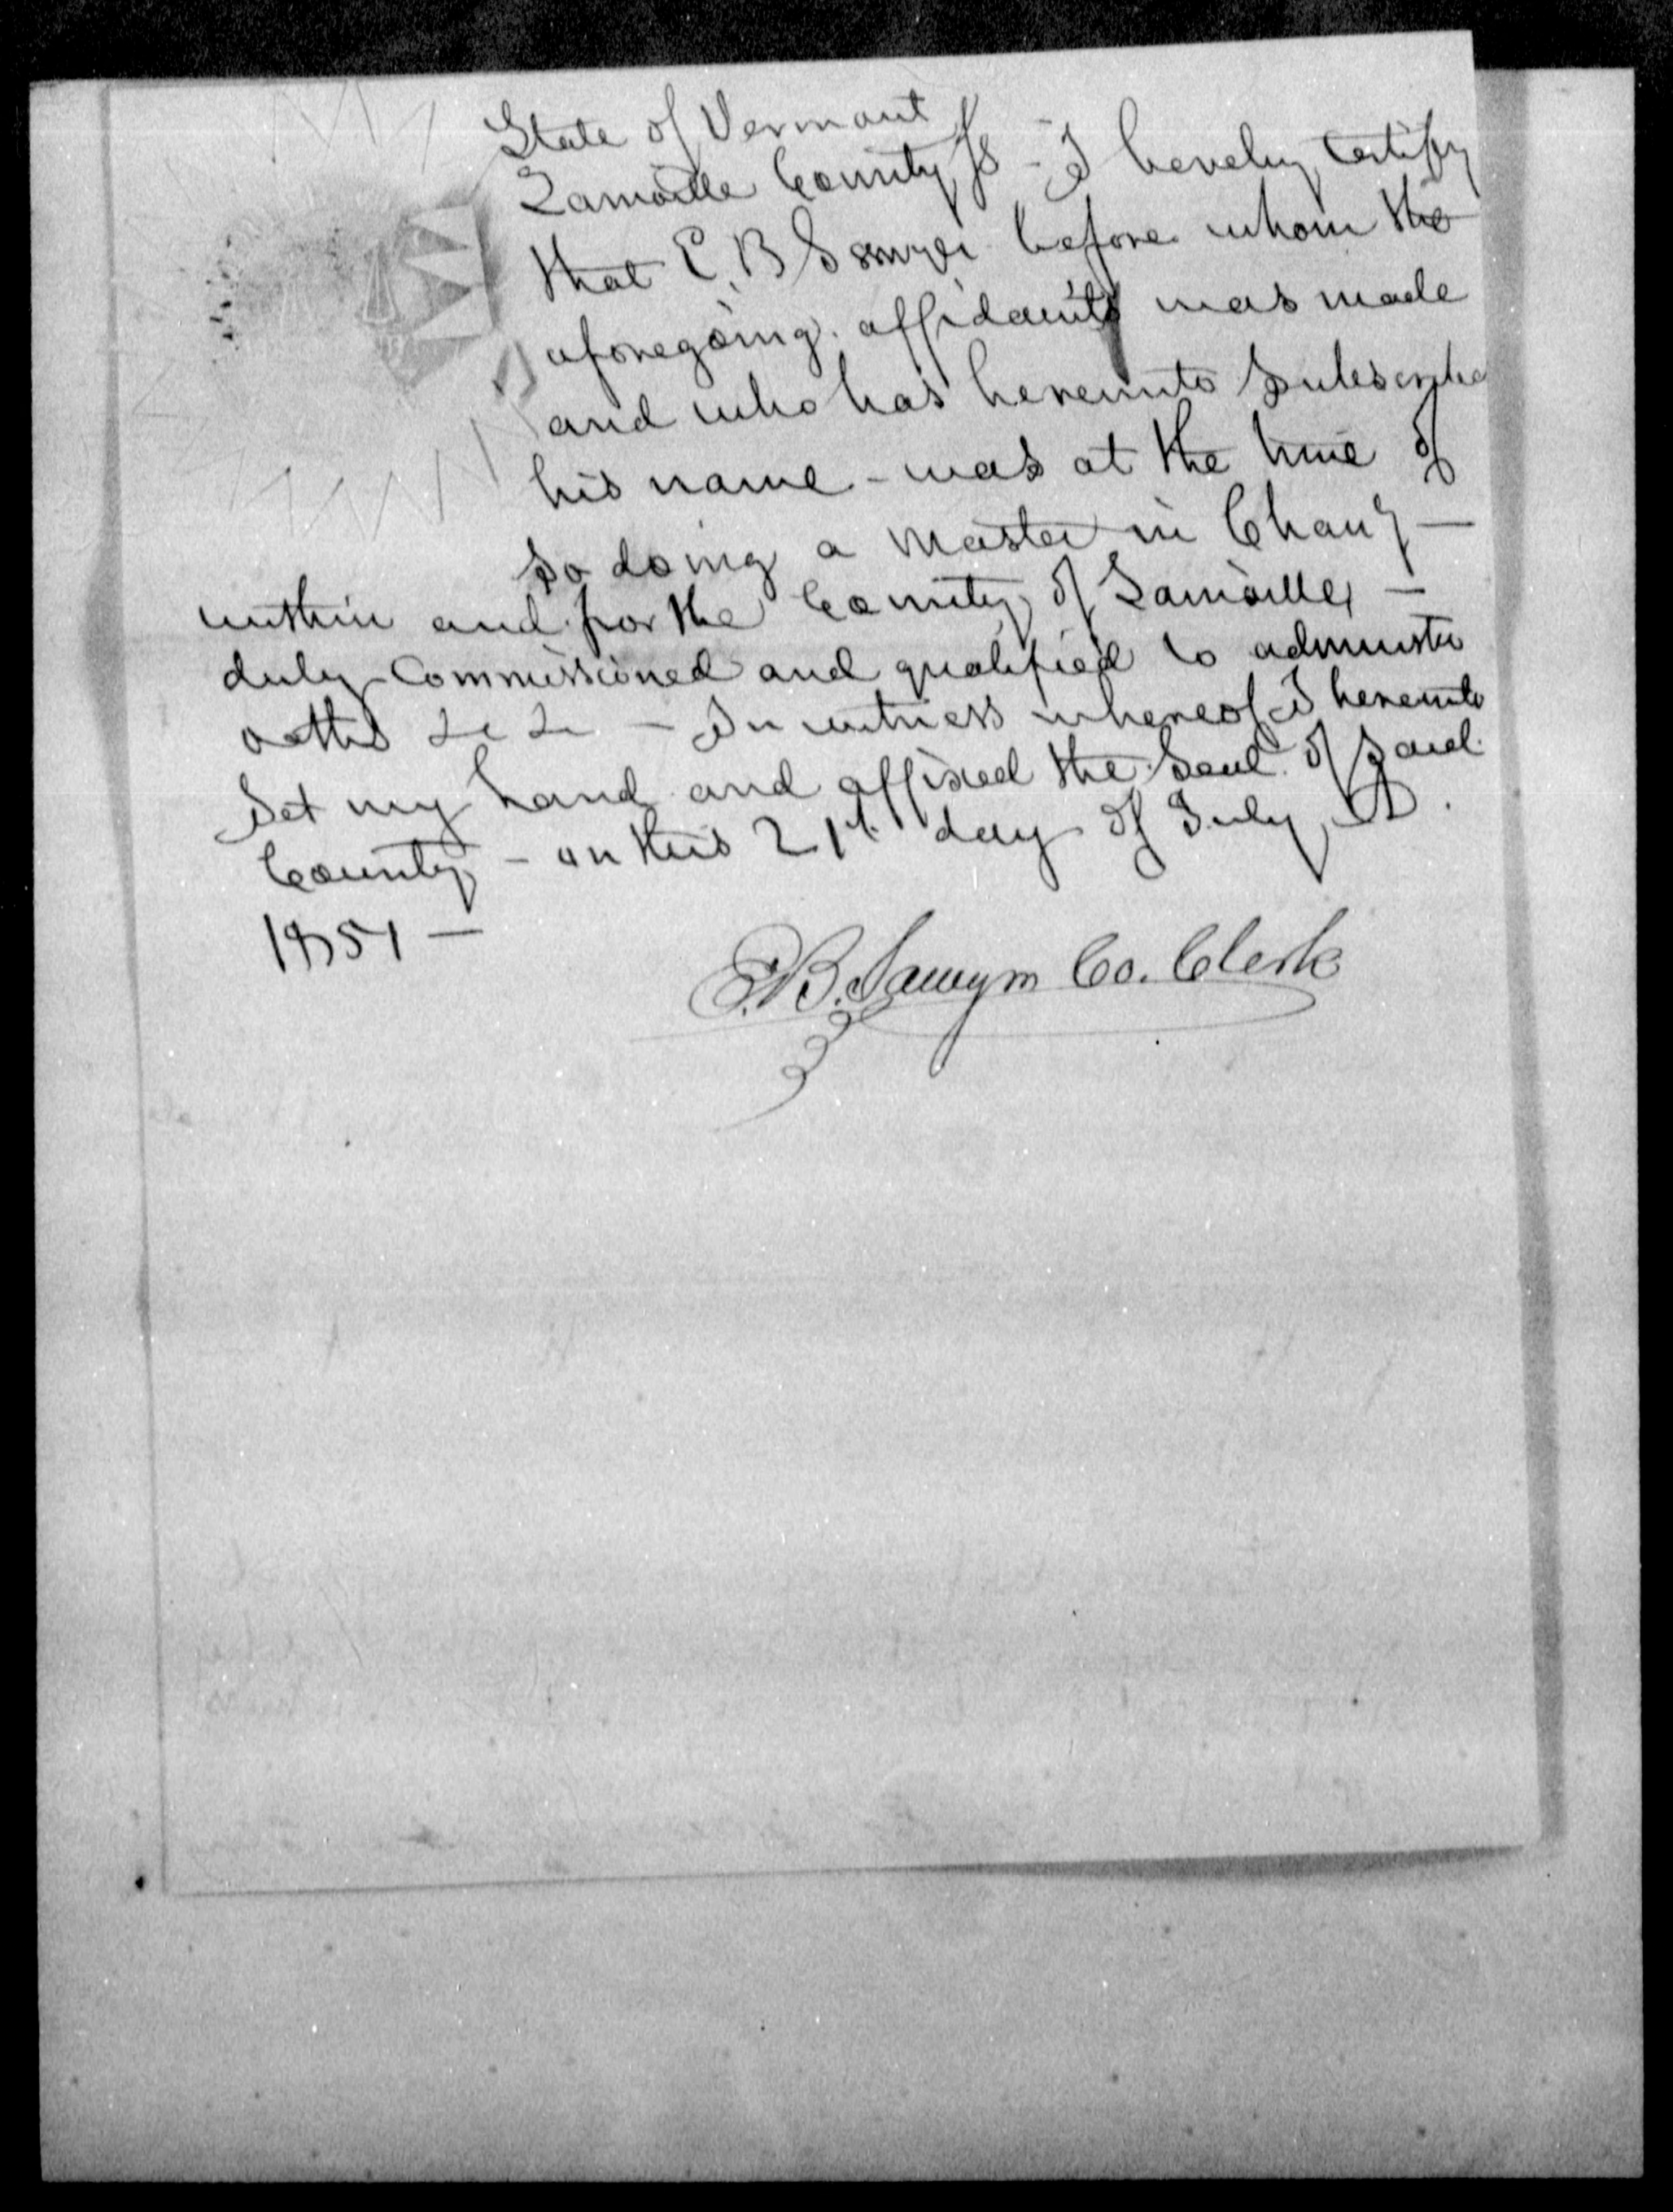State of Vermont
Lamoille County 
I hereby testify
that E.B. Sawyer before whom the
aforegoing affidavit was made
and who has hereunto subscribed
his name - was at the time of
so doing a master in Charge
within and for the County of Lamoille
duly commissioned and qualified to administer
oaths &c. In witness whereof I hereunto
Set my hand and affixed the Seal of said
county - on this 11th day of July AD
1851
E.B. Sawyer. Co. Clerk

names: E B Sawyer; E B Sawyer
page: 19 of 30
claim: rejected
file: R. 8625, for Elisha Razar, Connecticut